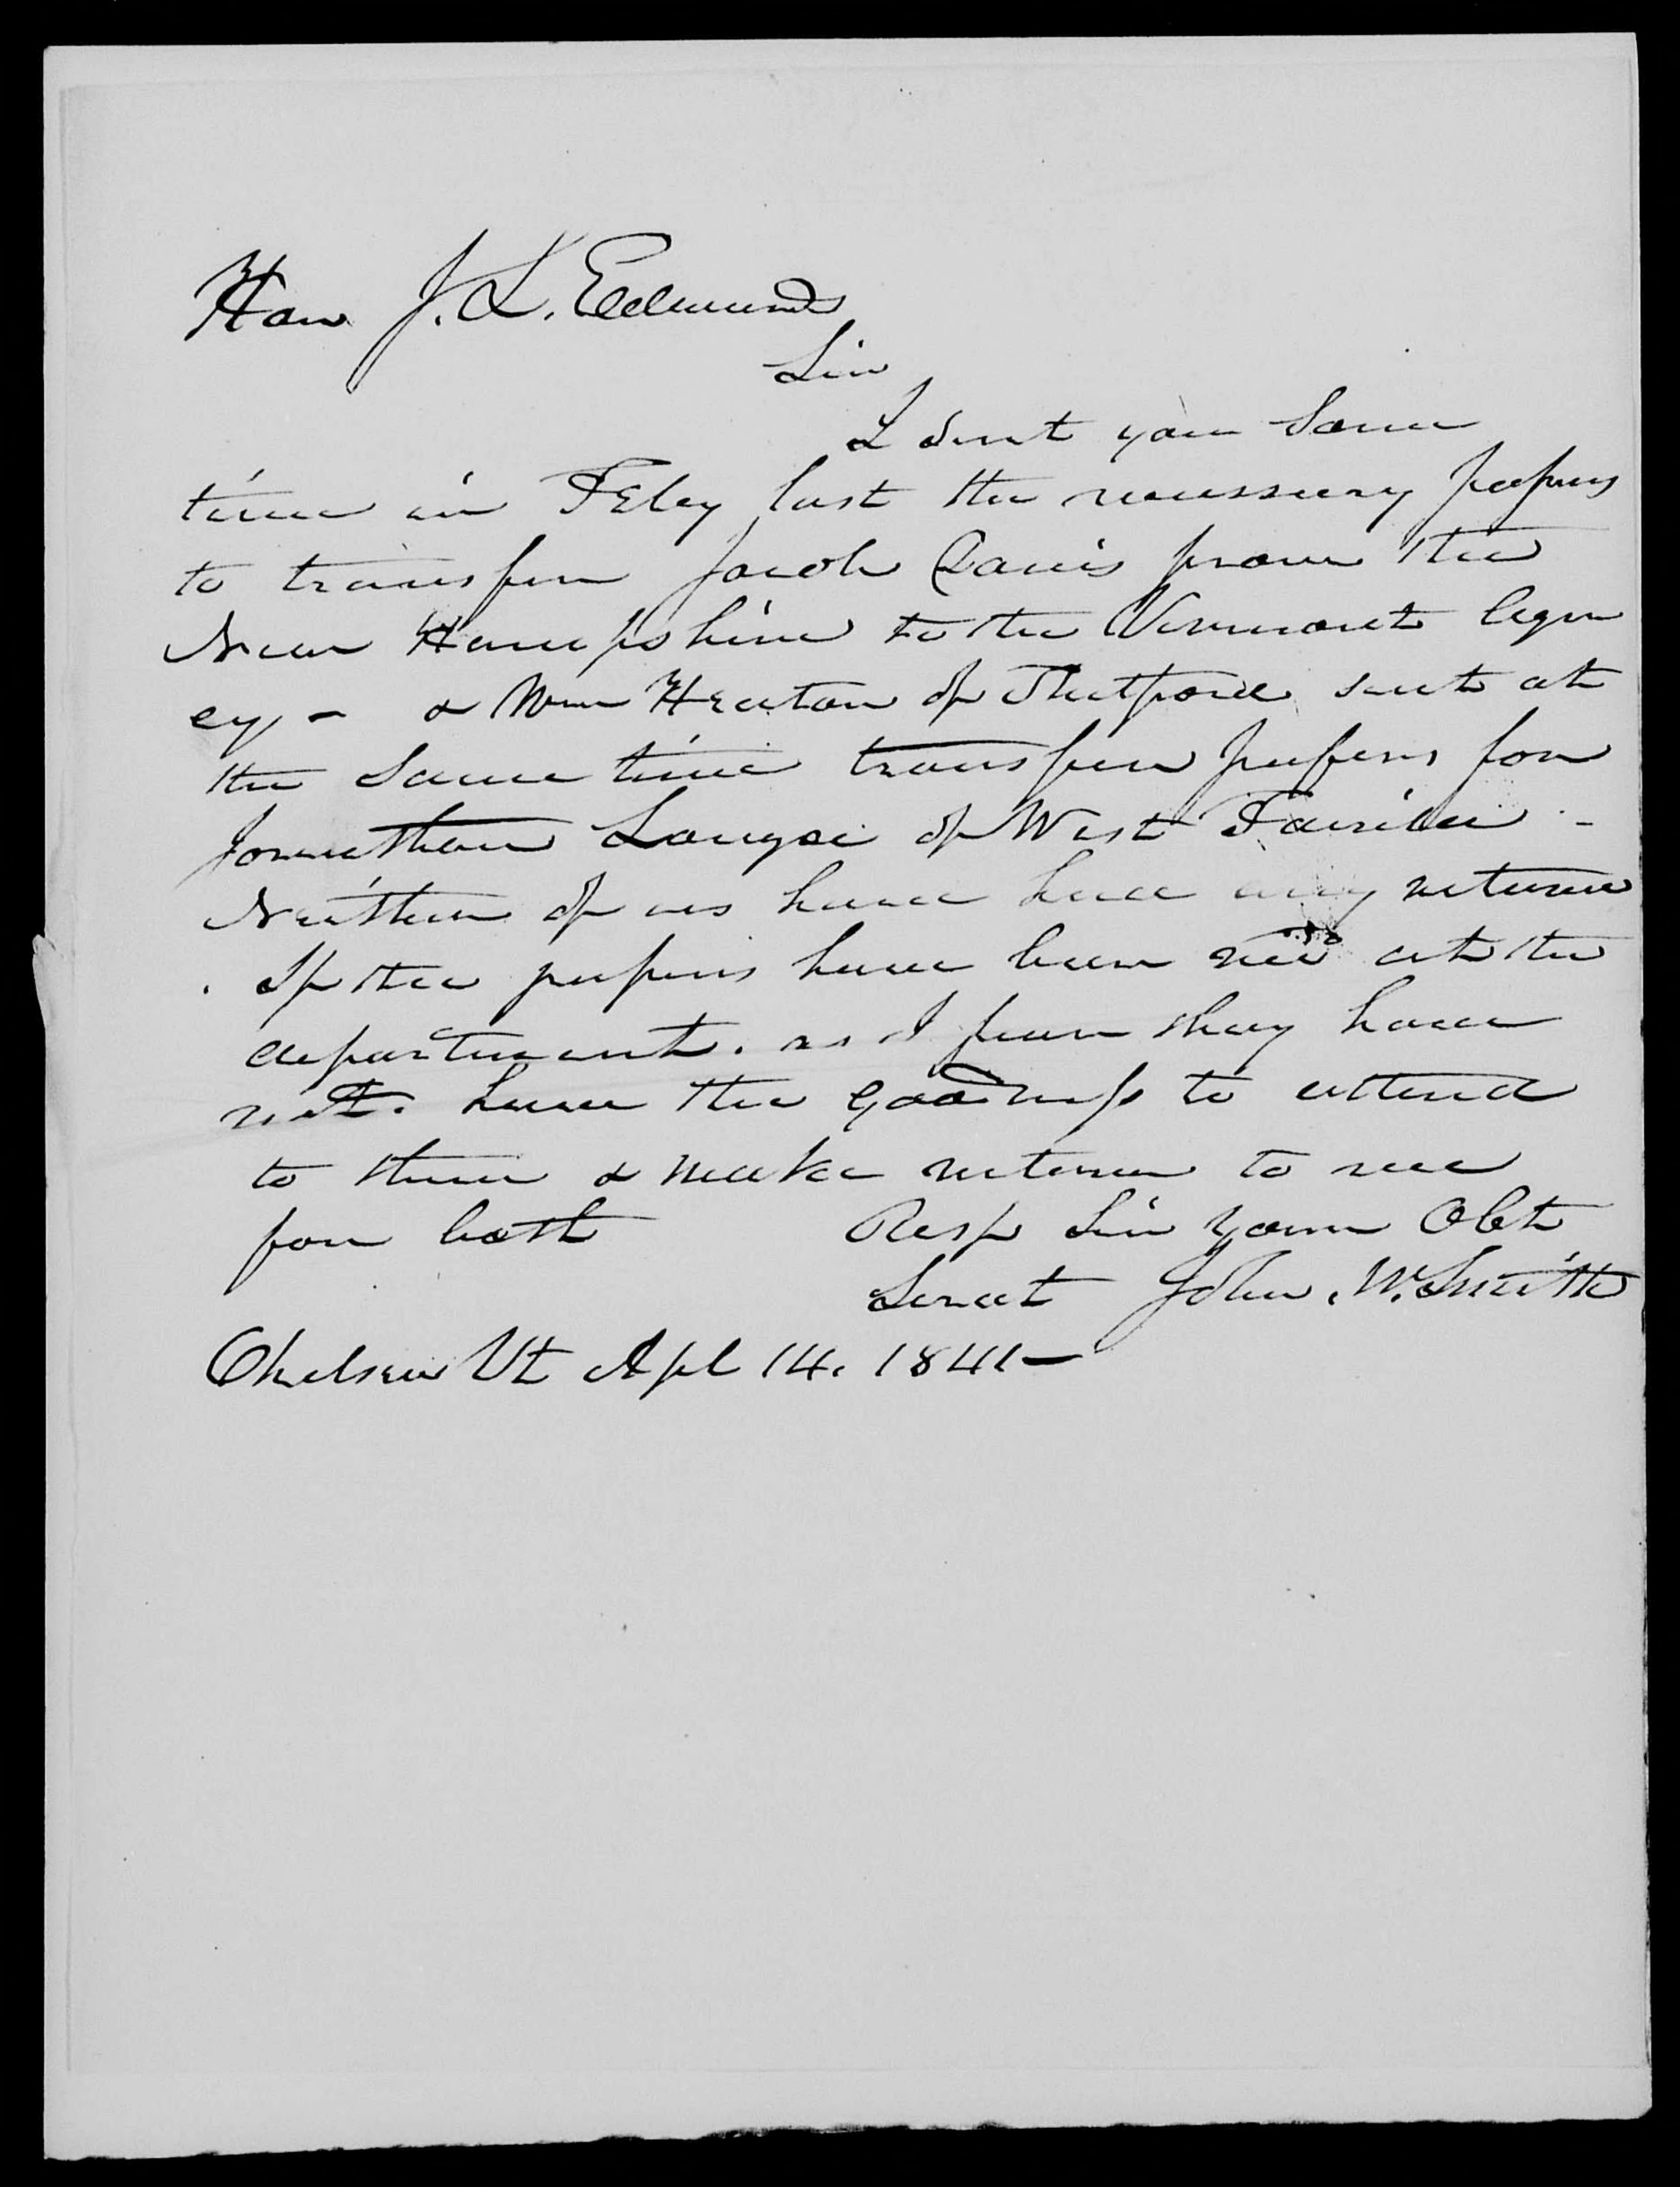Hon J. L. Edwards
Sir
I sent you some time in Feby last the necessary papers
to transfer Jacob Davis from the New Hampshire to the Vermont Agency- and Wm Heaton of Thetford it at
the same time transfer papers, for Jonathan Lougse of West Fairlee -
Neither of us have had any returns
If the papers have been recd [received] at the
department, as I fear they have not, have the goodness to attend to them and make return to me for both
Resp Sir Your Obt Servt
John W. Smith
Chelsea Vt Apl 14, 1841-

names: John W Smith, Wm Heaton, Jacob Davis, Jonathan Langse, J L Edwards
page: 40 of 47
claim: widow's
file: W. 24043, Jacob Davis, N.H.